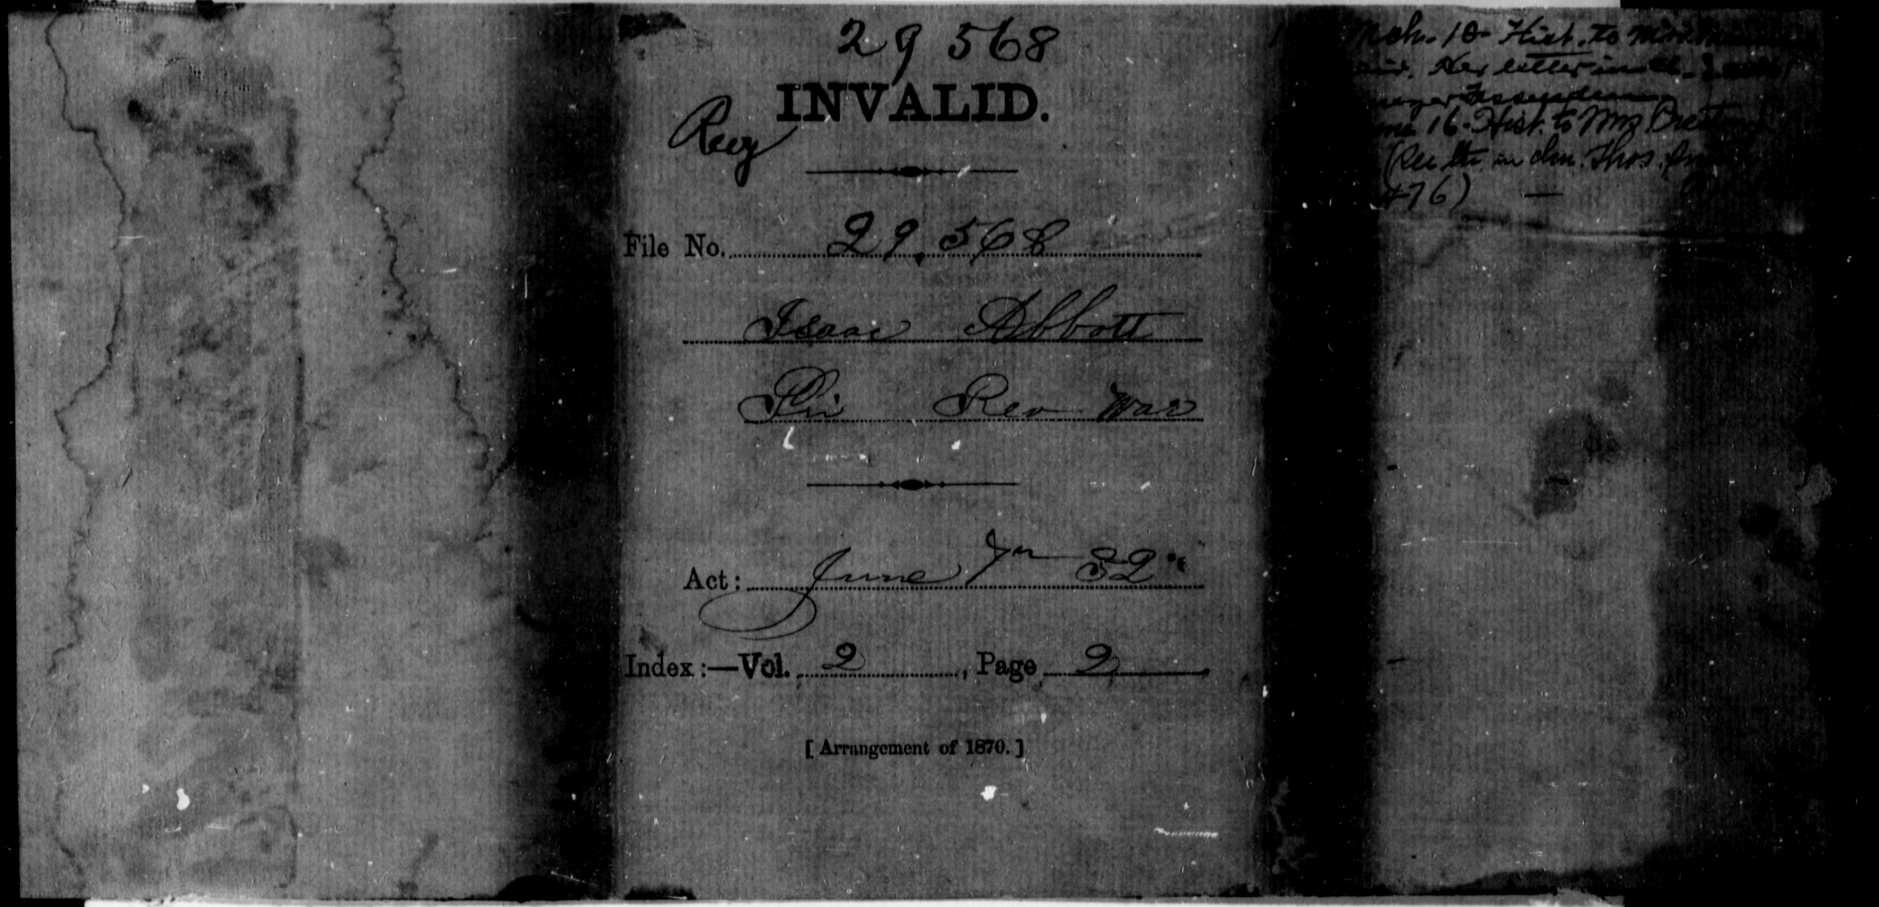29568
INVALID.
Req.
_____
File No. 29,568
Isaac Abbott
Priv Rev War
_____
Act: June 7, '32
Index:-Vol. 2, Page 9

[Arrangement of 1870.]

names: Thos Snow, Preston, Isaac Abbott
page: 22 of 86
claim: survivor's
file: S 29,568, Isaac Abbot, Mass